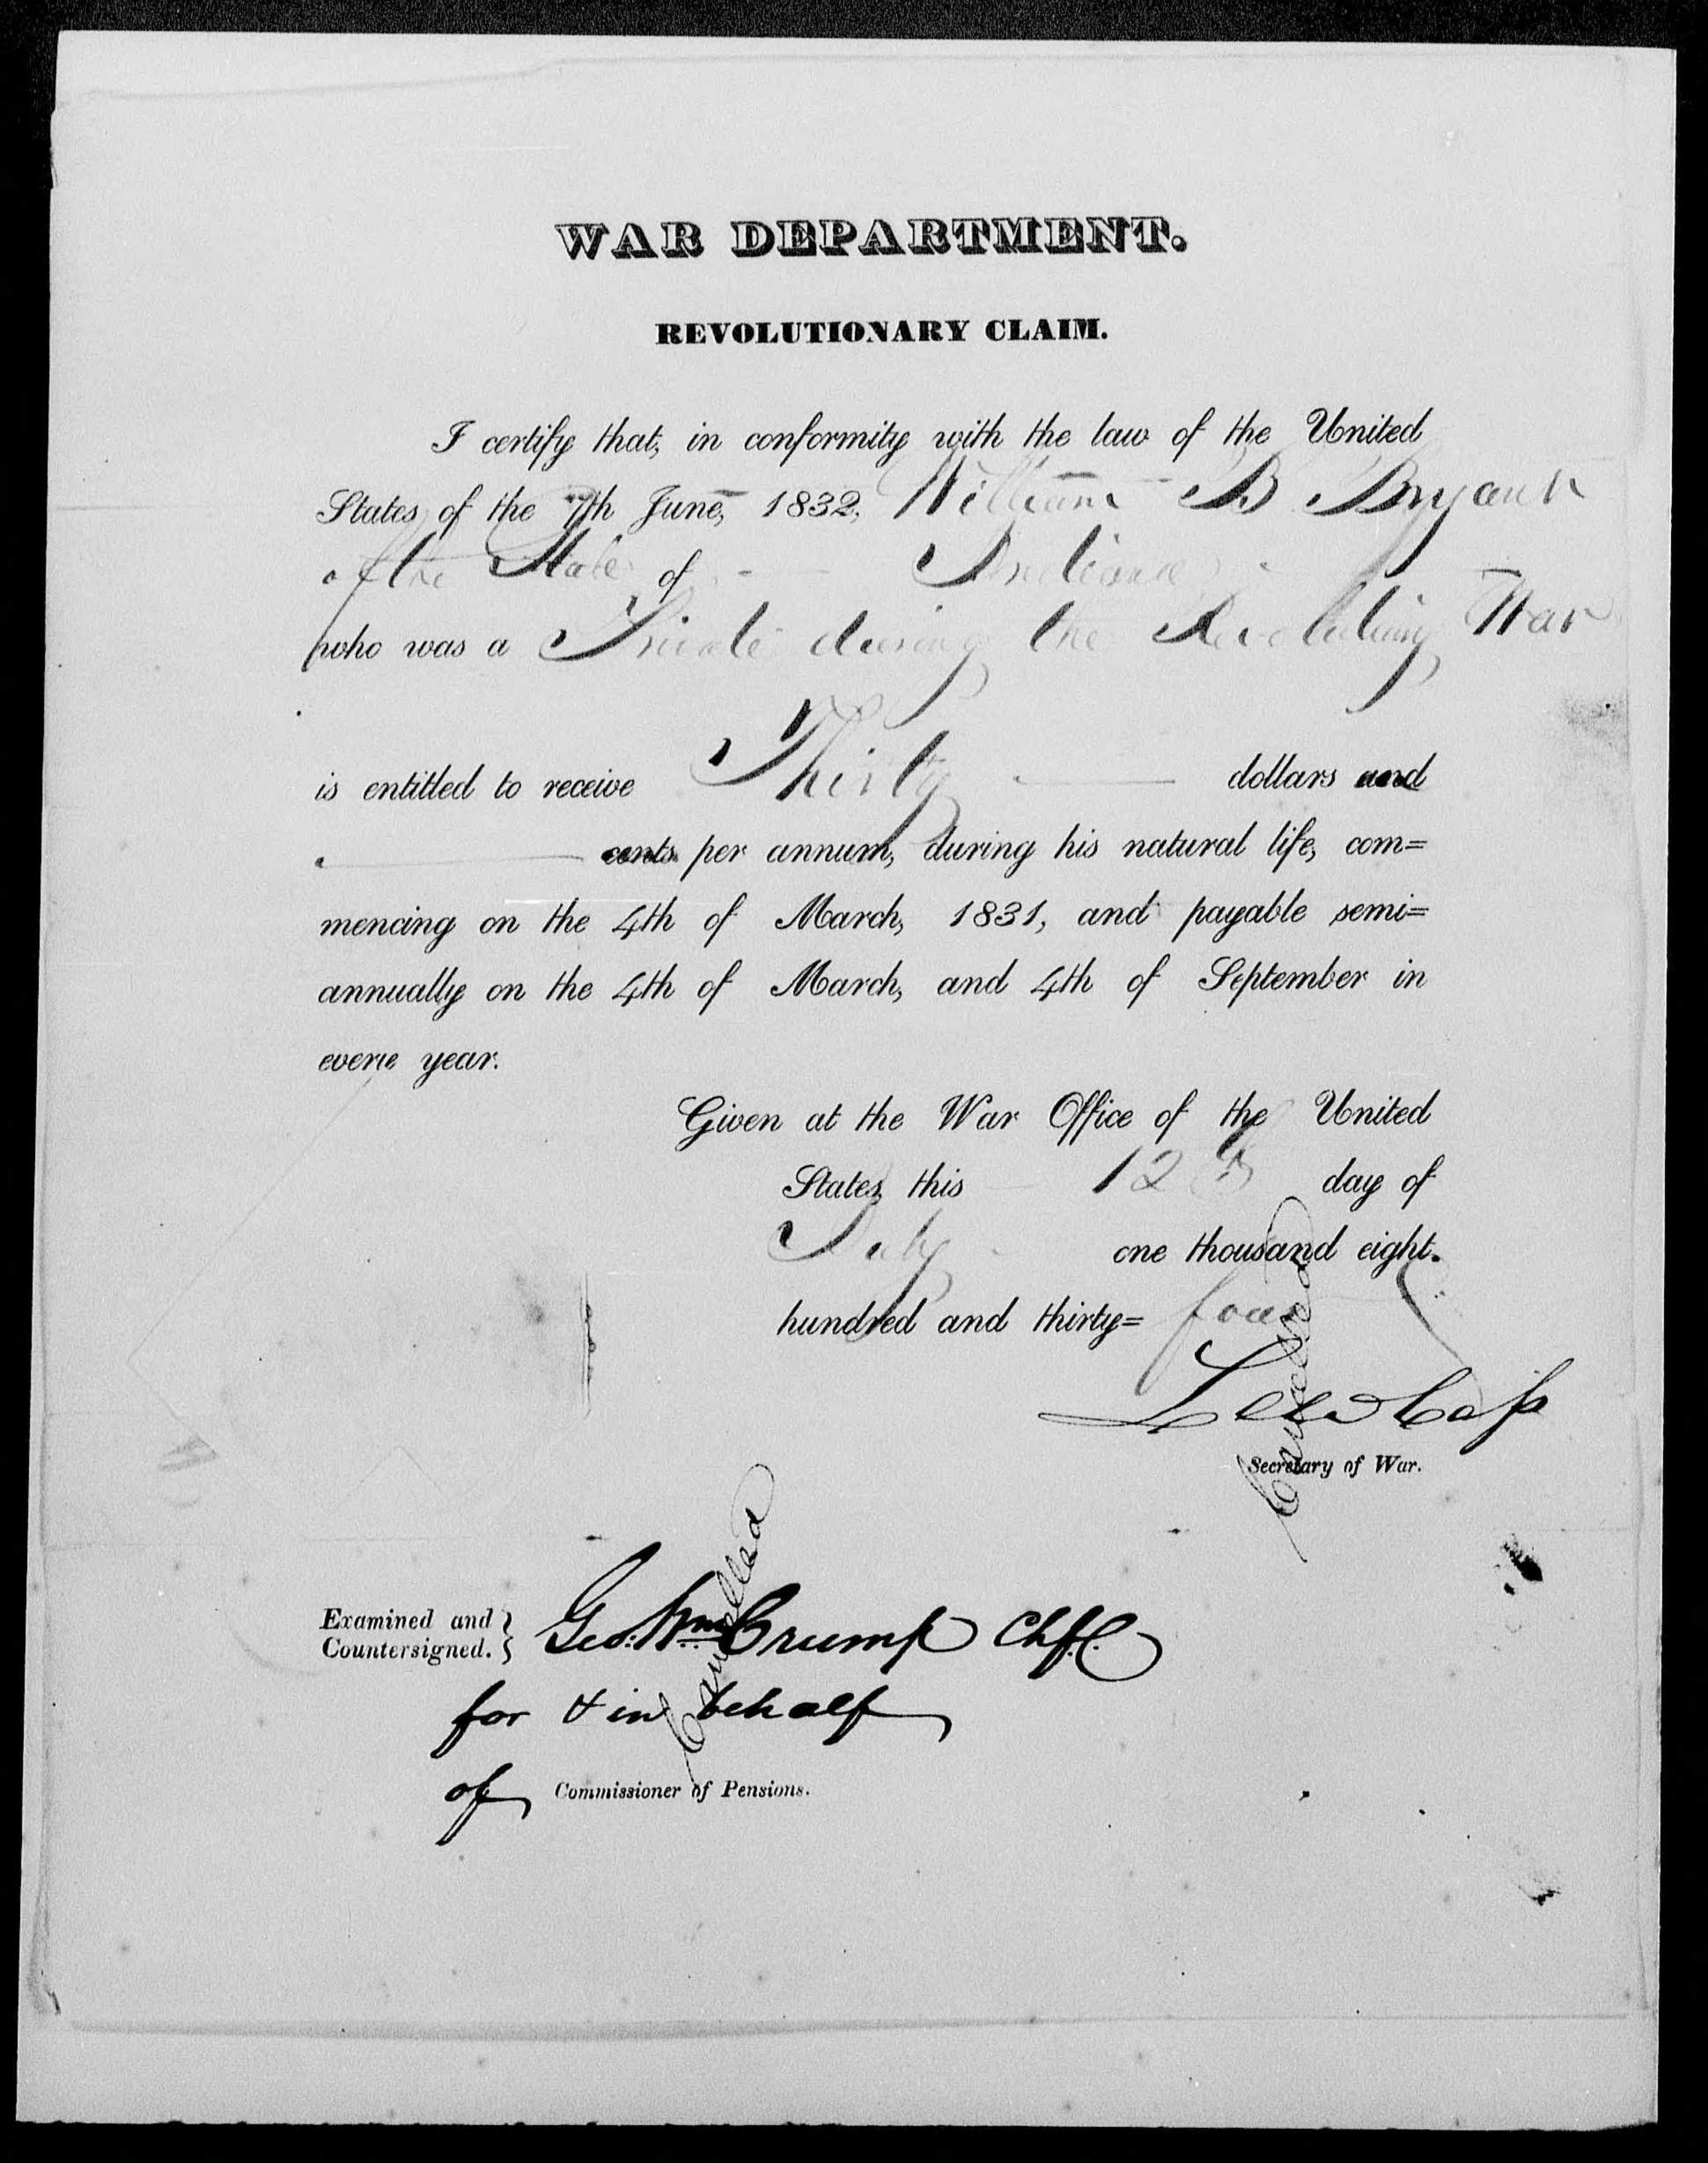WAR DEPARTMENT.
Revolutionary Claim

I certify that, in conformity with the law of the United States of the 7th June, 1832, William B. Bryant of the State of Indiana who was a Private during the Revolutionary War is entitled to receive Thirty dollars and - cents per annum, during his natural life, commencing on the 4th of March, 1831, and payable semi-annually on the 4th of March, and 4th of September in every year.

Given at the War Office of the United States this 12th day of July one thousand eight hundred and thirty four.

Lew Cass
Secretary of War.

Examined and Countersigned.
Geo. Wm. Crump Chfl.
for & in behalf of Commissioner of Pensions.

[SEAL]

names: Geo Wm Crump, Lew Cass, William B Bryant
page: 25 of 31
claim: survivor's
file: S. 3049, William G Bryant, Va.